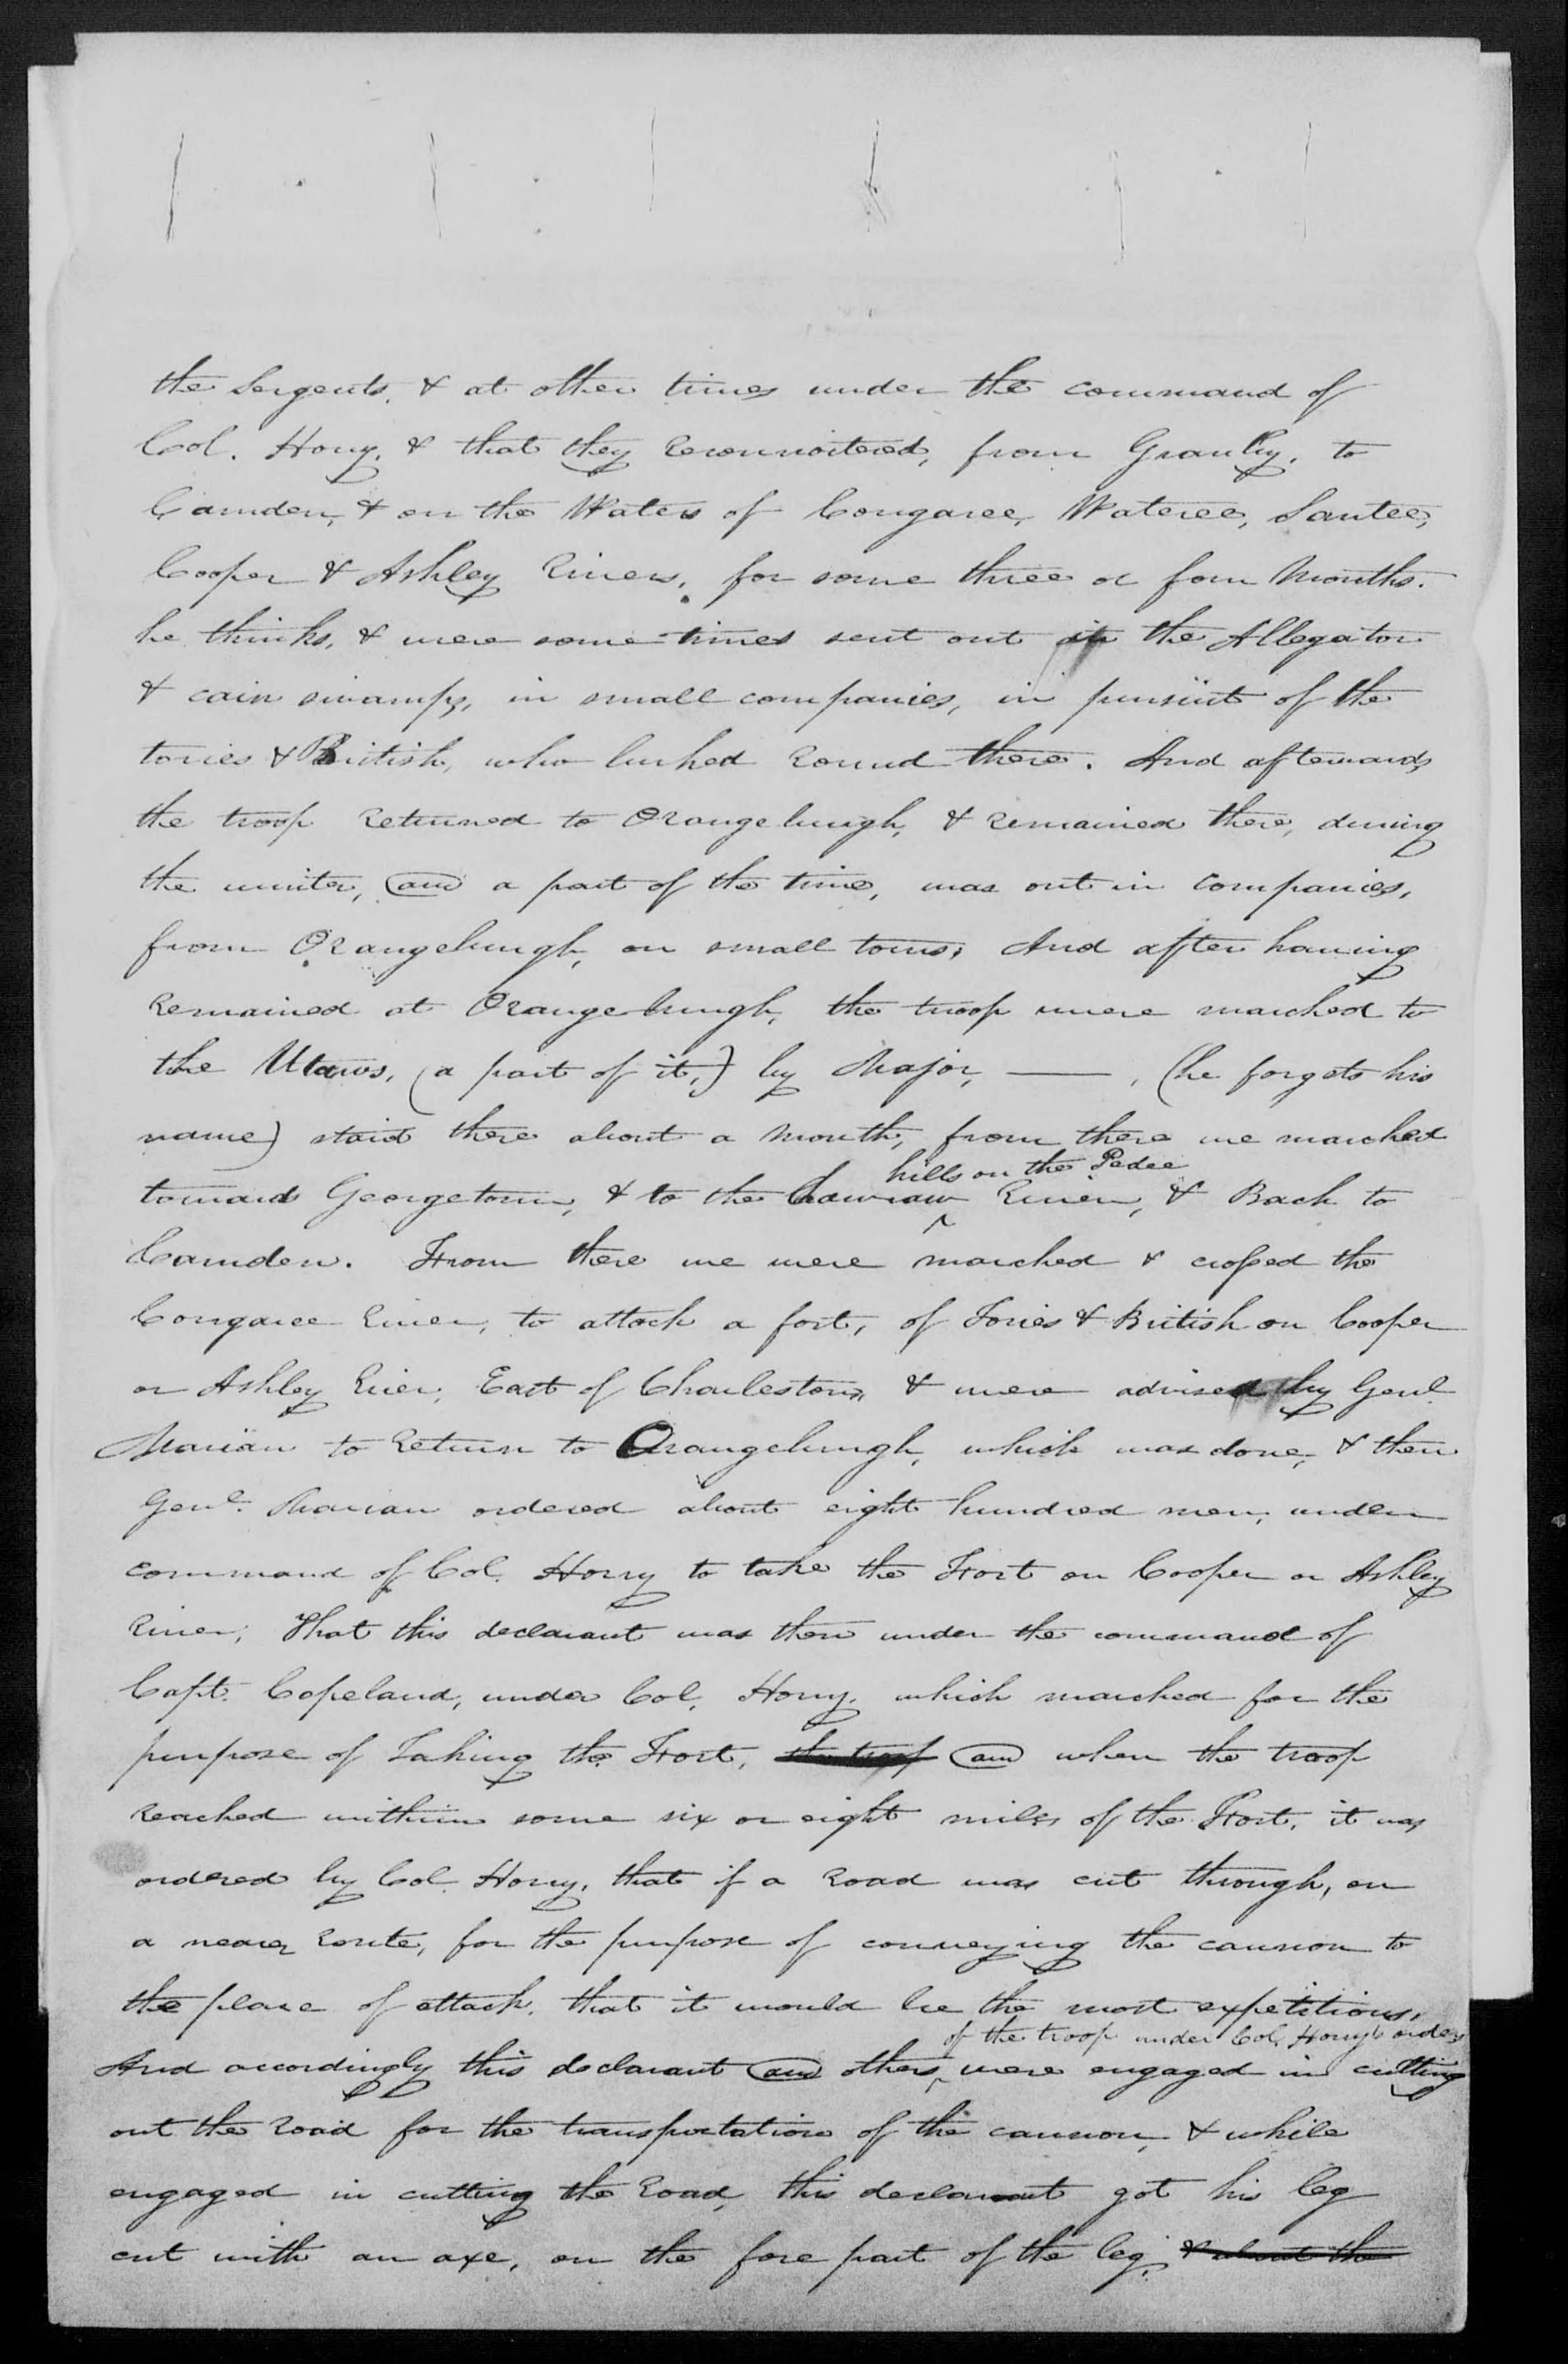the Sergents & at other times under the command of Col. [Daniel] Horry, & that they reconnoitered, from Granby, to Camden, & on the Waters of Congaree, Wateree, Santee, Cooper & Ashley Rivers, for some three or four months, he thinks, & were some times sent out up the Alligator & Cane Swamps, in small companies, in pursuit of the tories & British, who lurked round there. And afterwards
the troop returned to Orangeburgh, & remained there during the winter, and a part of the time, was out in companies, from Orangeburgh, on small tours, And after having
remained at Orangeburgh, the troops were marched to the Utaws [Eutaw Springs] (a part of it by Major _ (he 
forgets his name) staid there about a month, from there we marched
toward Georgetown, & to the Sawcaw hills on the Peedee River, & Back to
 Camden. From there we were marched & crossed the
Congaree River, to attack a fort, of Tories & British on Cooper or Ashley River, East of Charleston, & were advised by Genl [Francis] Marion to return to Orangeburgh which was done & there Genl Marion ordered about eight hundred men under command of Col. Horry to take the Fort on Cooper or Ashley River. That this declarant was then under the command of Capt. [William] Copeland, under Col. Horry, which marched for the purpose of taking the Fort, and when the troop reached within some six or eight miles of the Fort, it was ordered by Col. Horry, that if a road was cut through, on a near route, for the purpose of conveying the cannon to the place of attack, that it would be the most expeditious 
And accordingly this declarant and others of the troop under Col Horry's orders were engaged in cutting
out the road for the transportation of the cannon & while engaged in cutting the road this declarant got his leg cut with an axe, on the fore part of the leg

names: Horry, Ashley, Horry, Marian, Horry, Copeland, Horry, Horry, Marian, Cooper, Cooper, Ashley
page: 5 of 41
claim: rejected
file: R. 1309, James Brown, S.C.